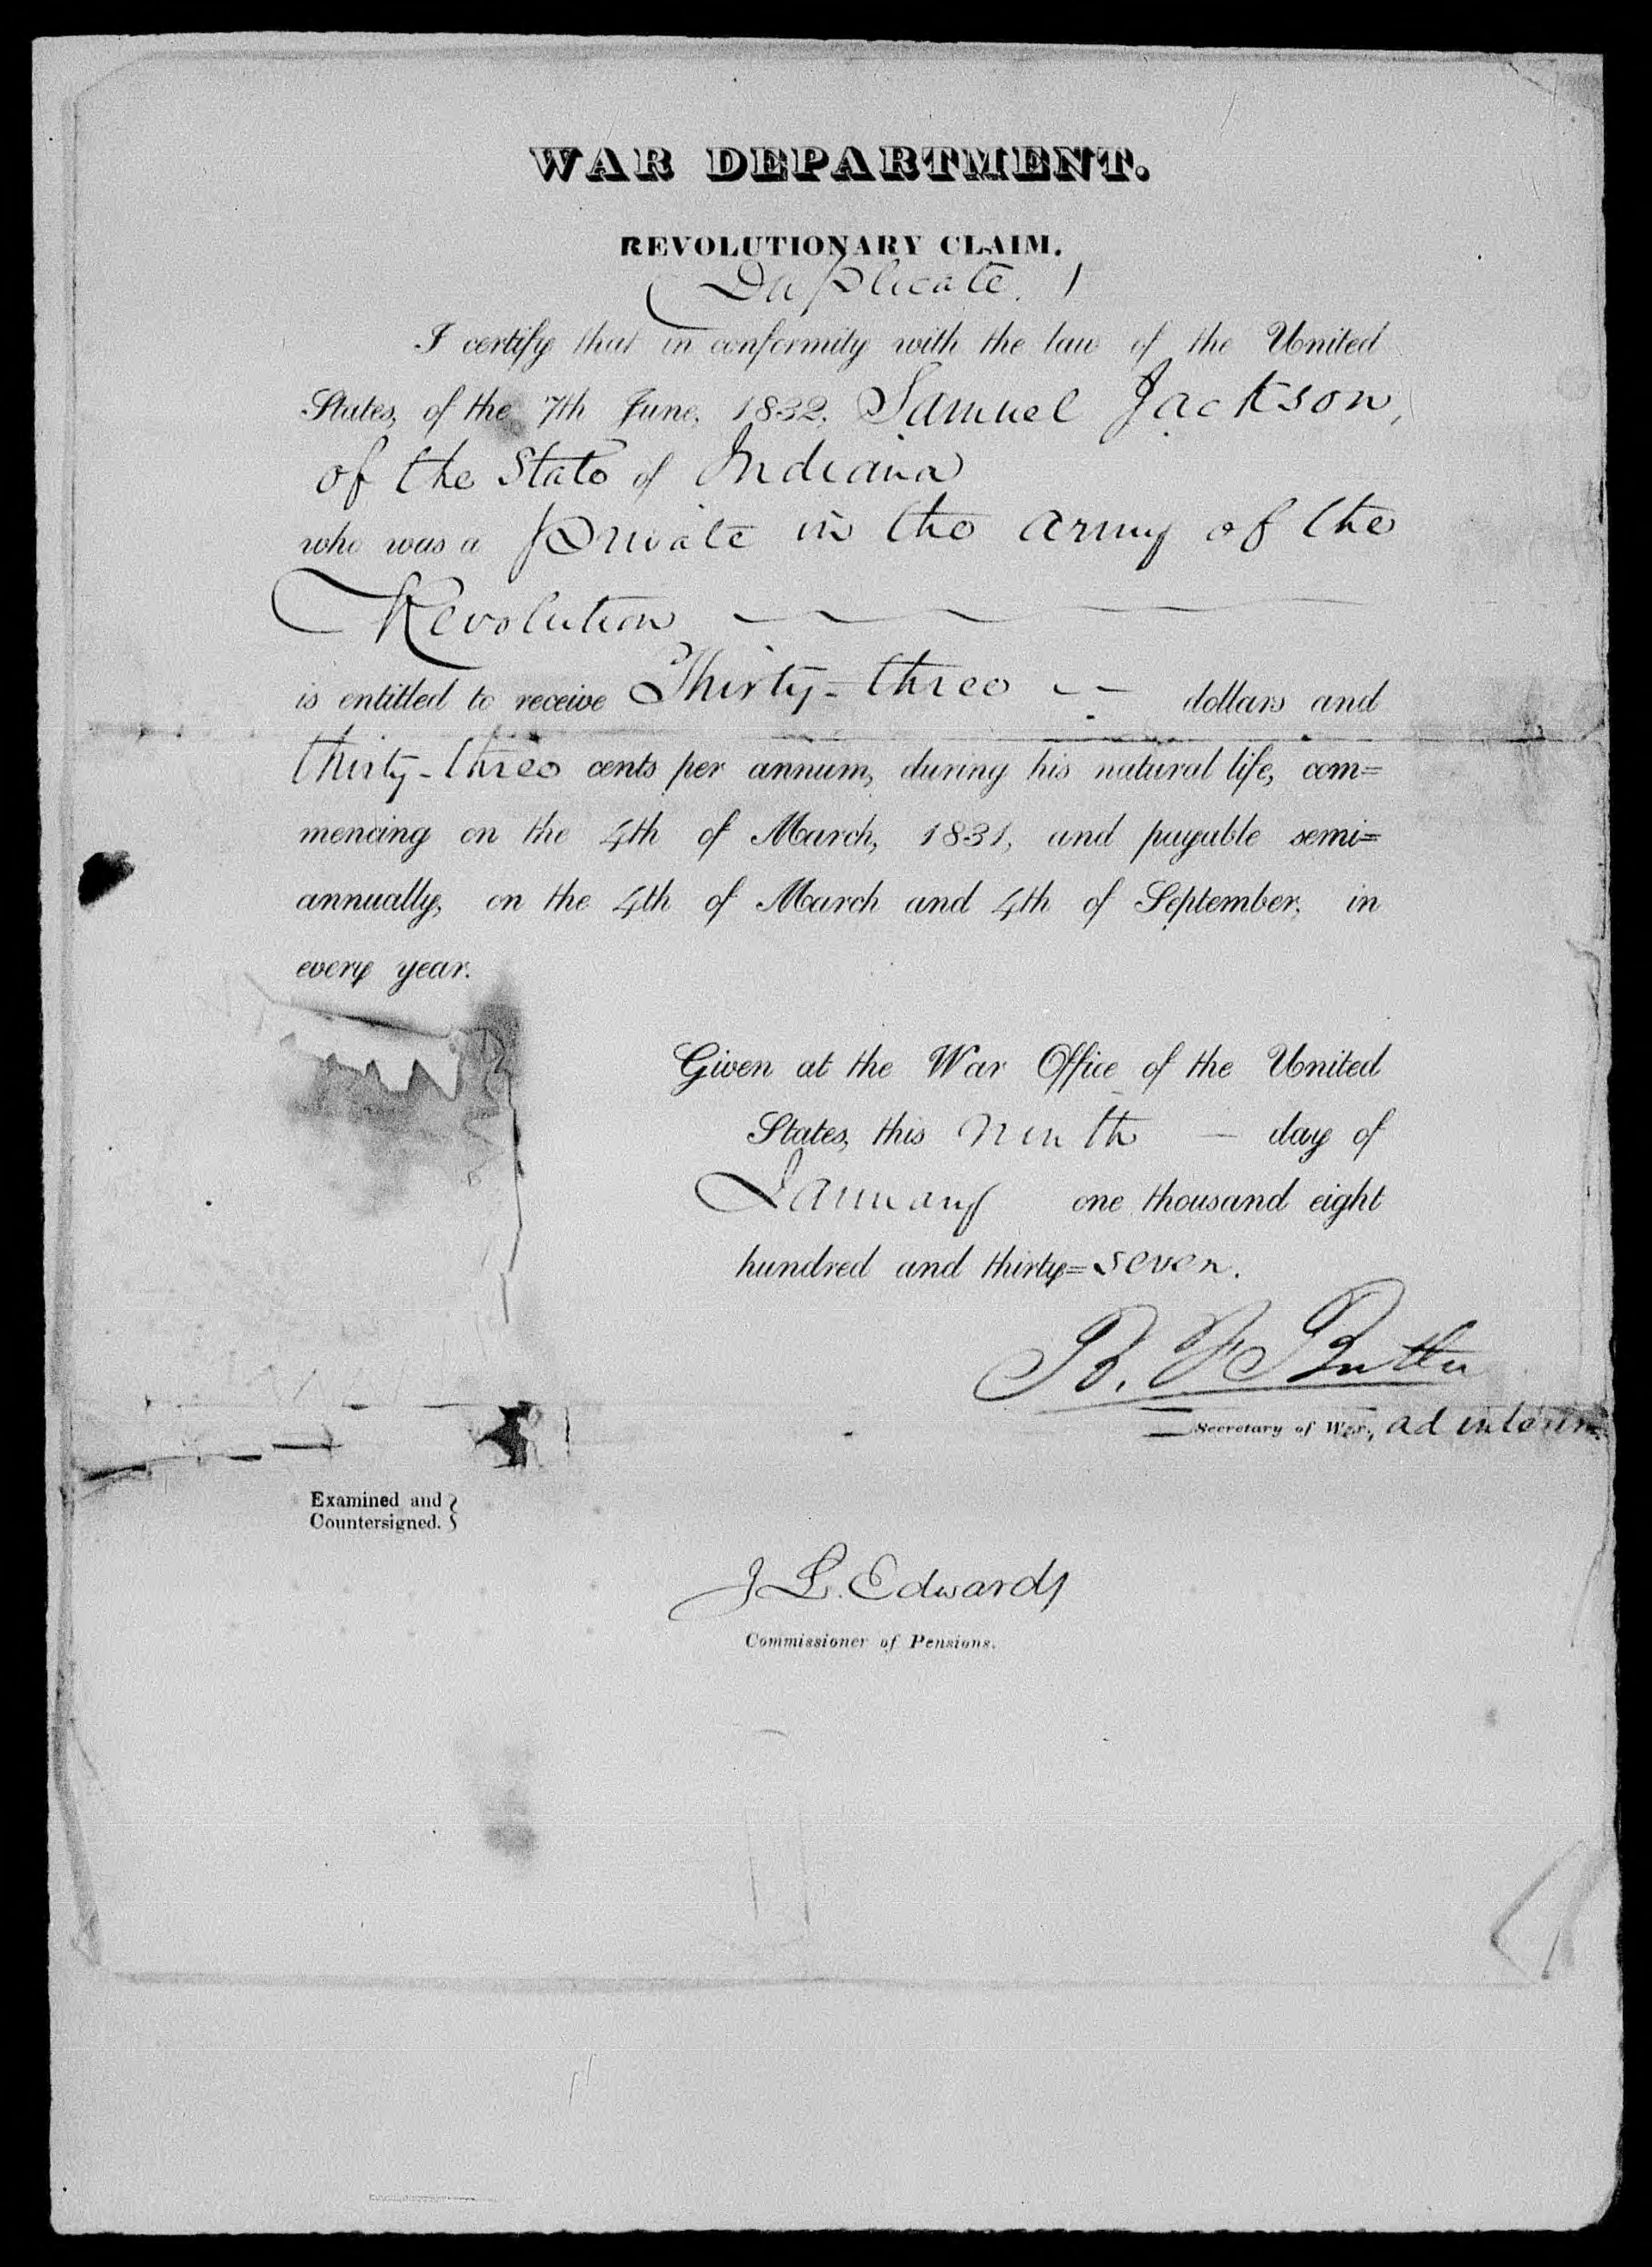WAR DEPARTMENT
REVOLUTIONARY CLAIM.
Duplicate

I certify that in conformity with the law of the United 
States, of the 7th June, 1832, Samuel Jackson
of the State of Indiana
who was a private in the Army of the
Revolution
is entitled to receive Thirty three dollars
and thirty three cents per annum, during his natural life, 
commencing on the 4th of March, 1831, and payable 
semiannually, on the 4th of March and 4th of September, in
every year.

Given at the War Office of the United 
States, this ninth day of
January one thousand eight
hundred and thirty seven
B. F. Butler
Secretary of War, ad interim

Examined and
Countersigned.}

J. L. Edwards
Commissioner of Pensions.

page: 27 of 56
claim: rejected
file: R 5529, for Samuel Jackson, Virginia